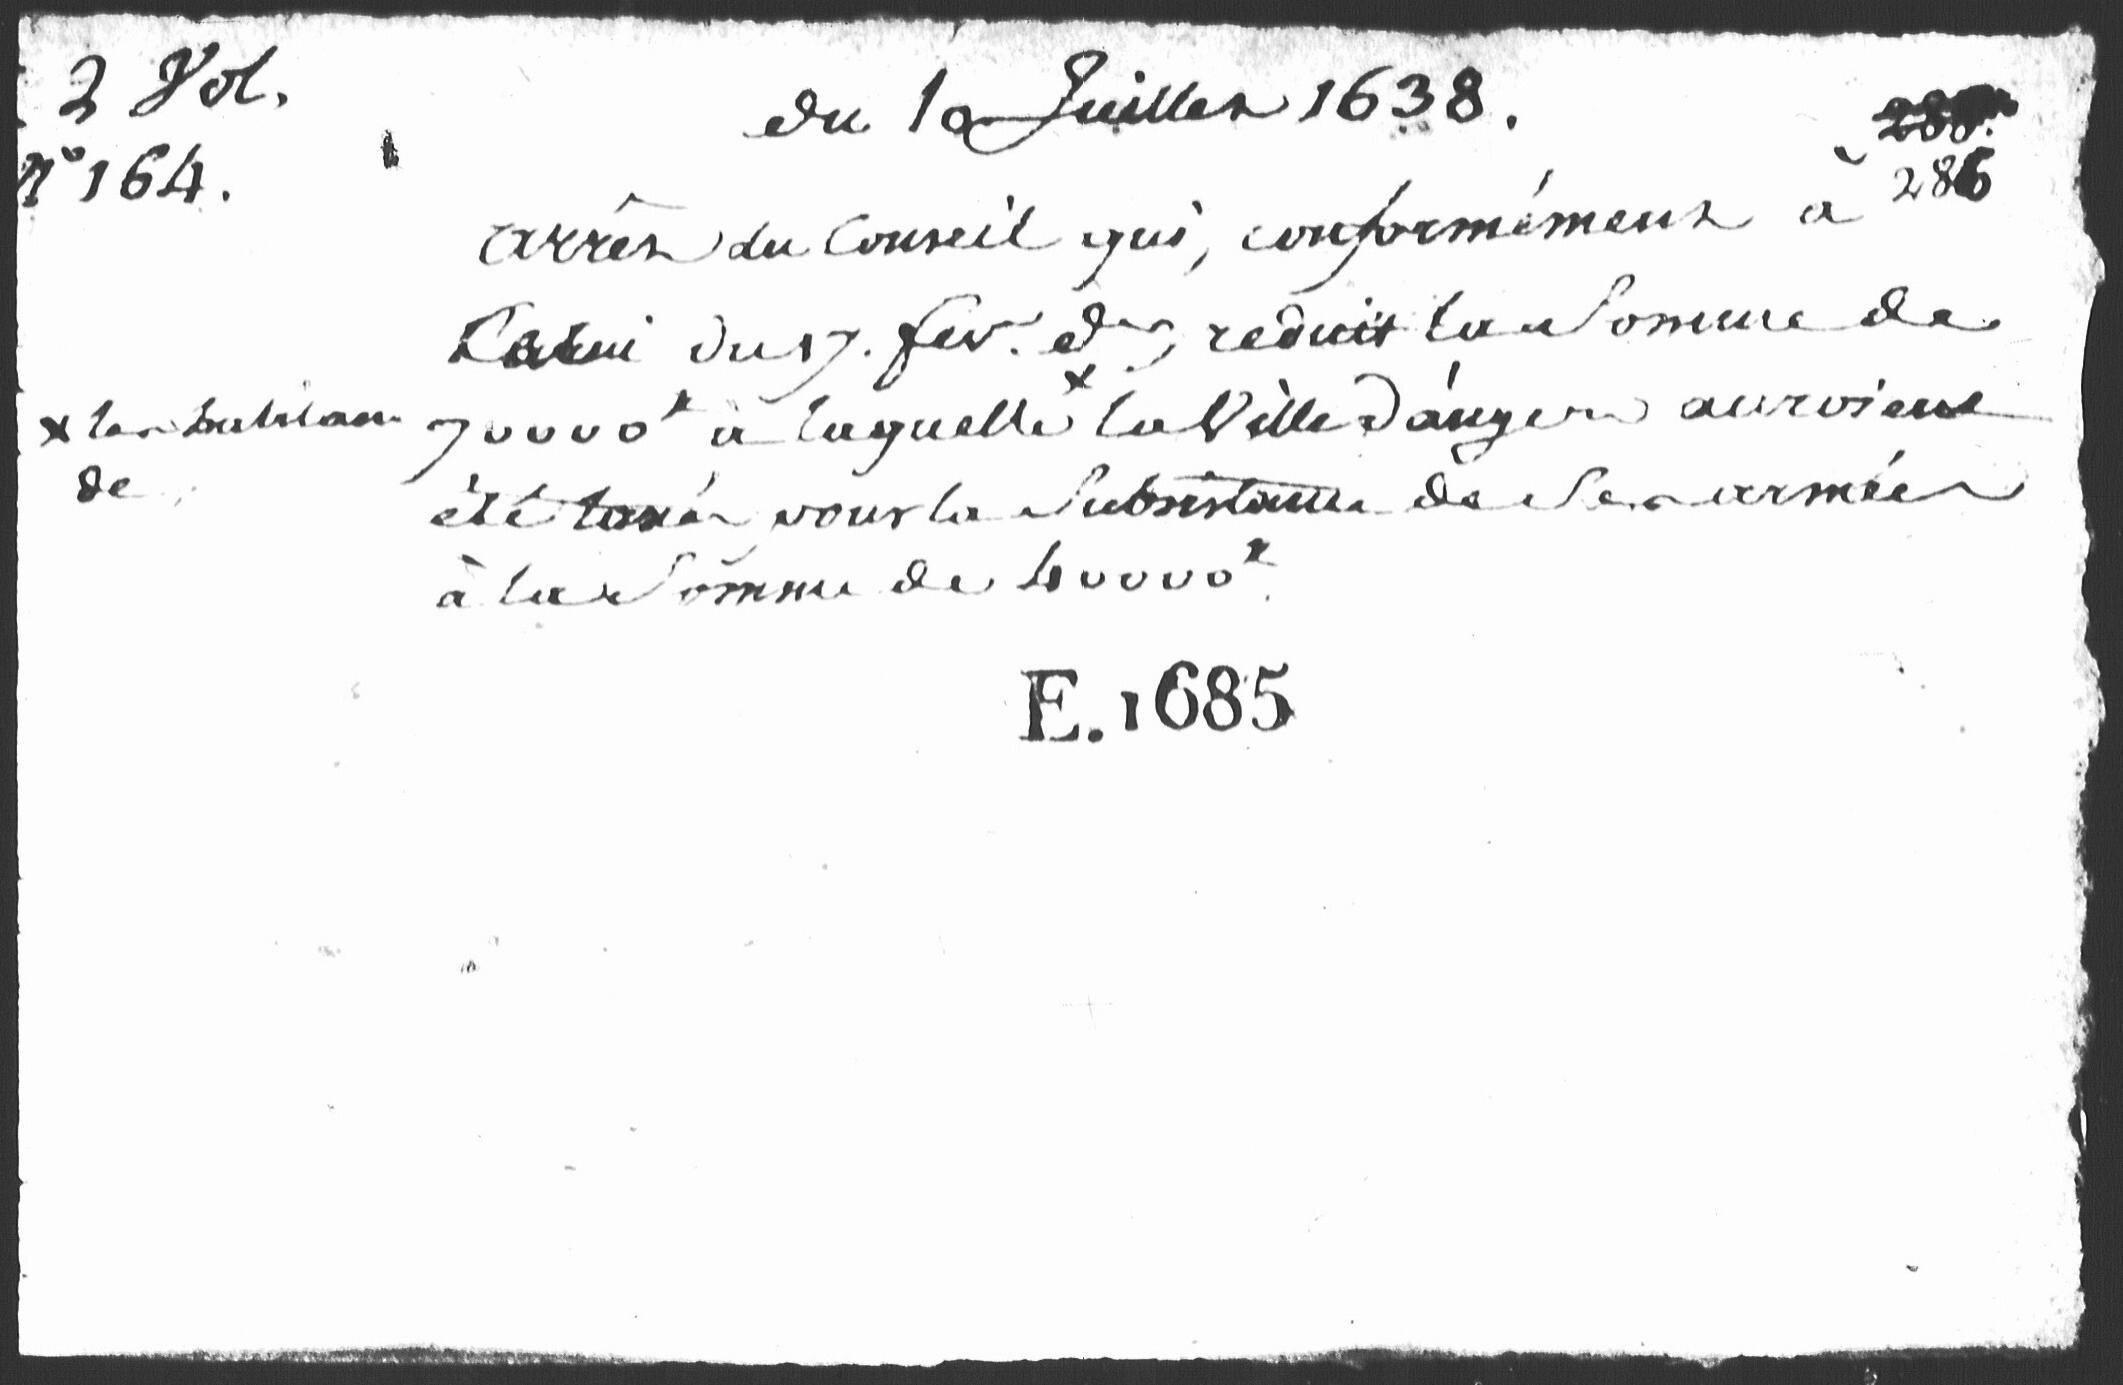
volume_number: n°164
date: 10 juillet 1638
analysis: [288 barré] 286
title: Arrêt du Conseil qui, conformément à celui du 17 fev. d.er, reduit la somme de 70000 # à laquelle les habitans de la Ville d'angers auroient été taxés pour la subsistance de ses armées à la somme de 40000 #
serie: E
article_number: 1685
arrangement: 2 vol.
